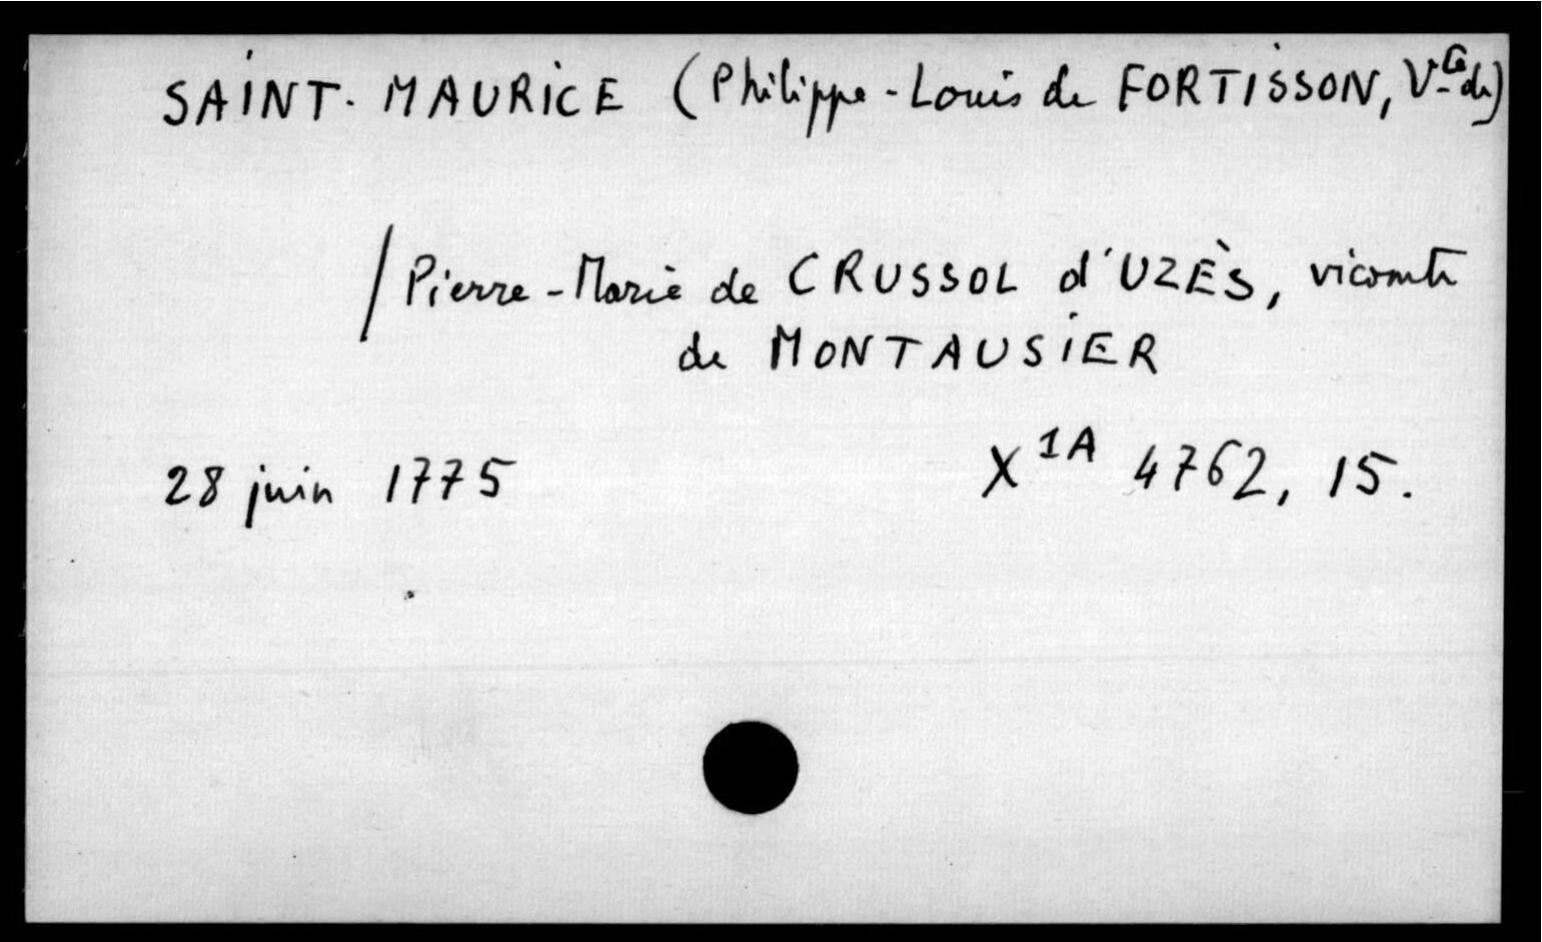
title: SAINT-MAURICE (Philippe-Louis de FORTISSON, veuve de)
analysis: Contre Pierre-Marie de CRUSSOL d'UZÉS, vicomte de MONTAUSIER
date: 28 juin 1775
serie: X1A
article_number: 4762
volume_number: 15
